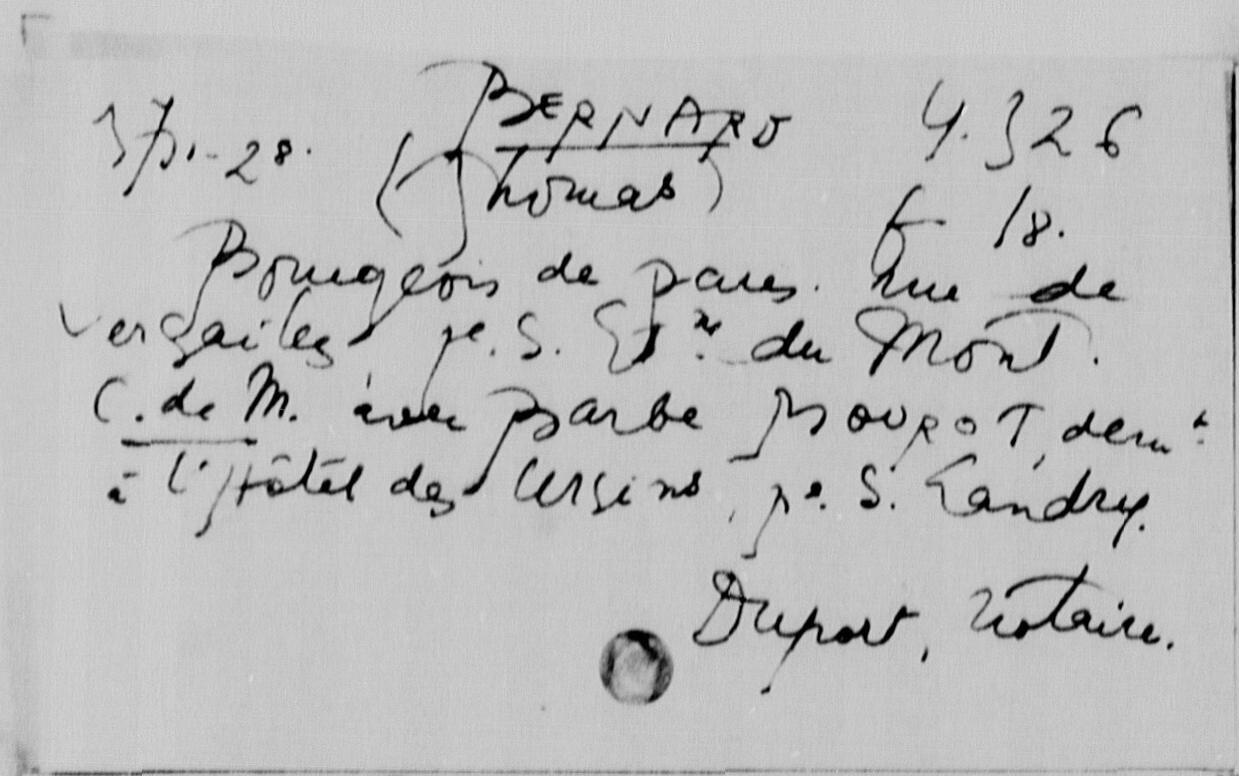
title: BERNARD (Thomas)
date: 1701-1728
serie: Y
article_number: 326
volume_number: folio 18
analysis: Bourgeois de Paris, rue de Versailles, paroisse Saint-Étienne du Mont. Contrat de mariage avec Barbe Mourot, demeurant à l'Hôtel des Ursins, paroisse Saint-Landry. Duport, notaire.
